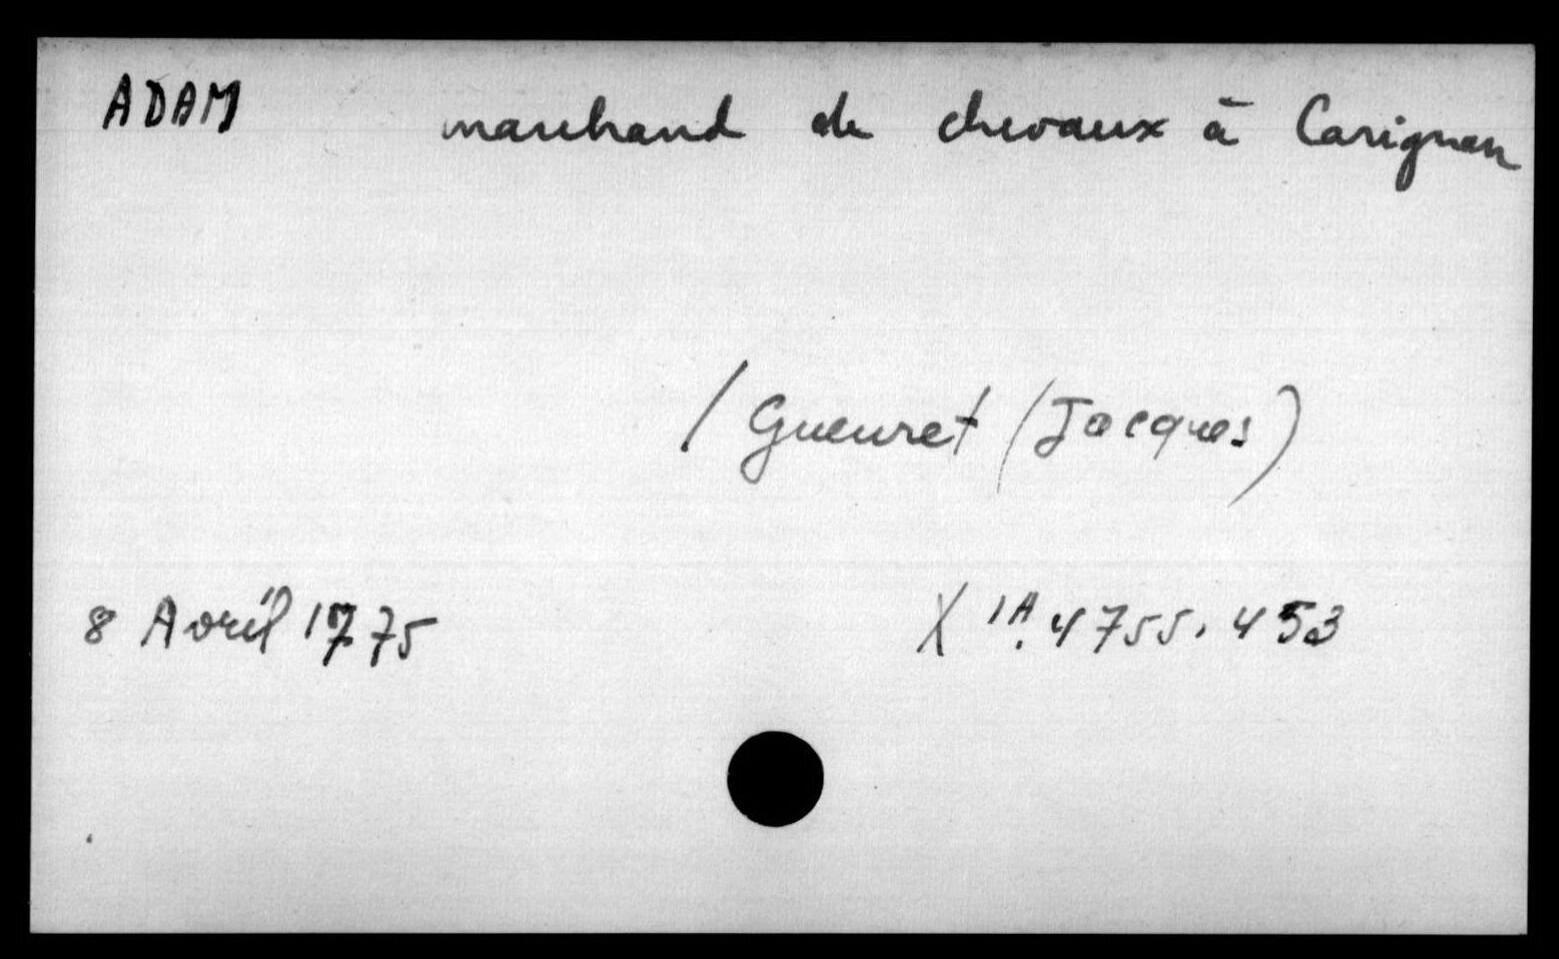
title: ADAM marchand de chevaux à Carignan
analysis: Contre Gueuret (Jacques)
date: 8 avril 1775
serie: X1A
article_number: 4755
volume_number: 453
